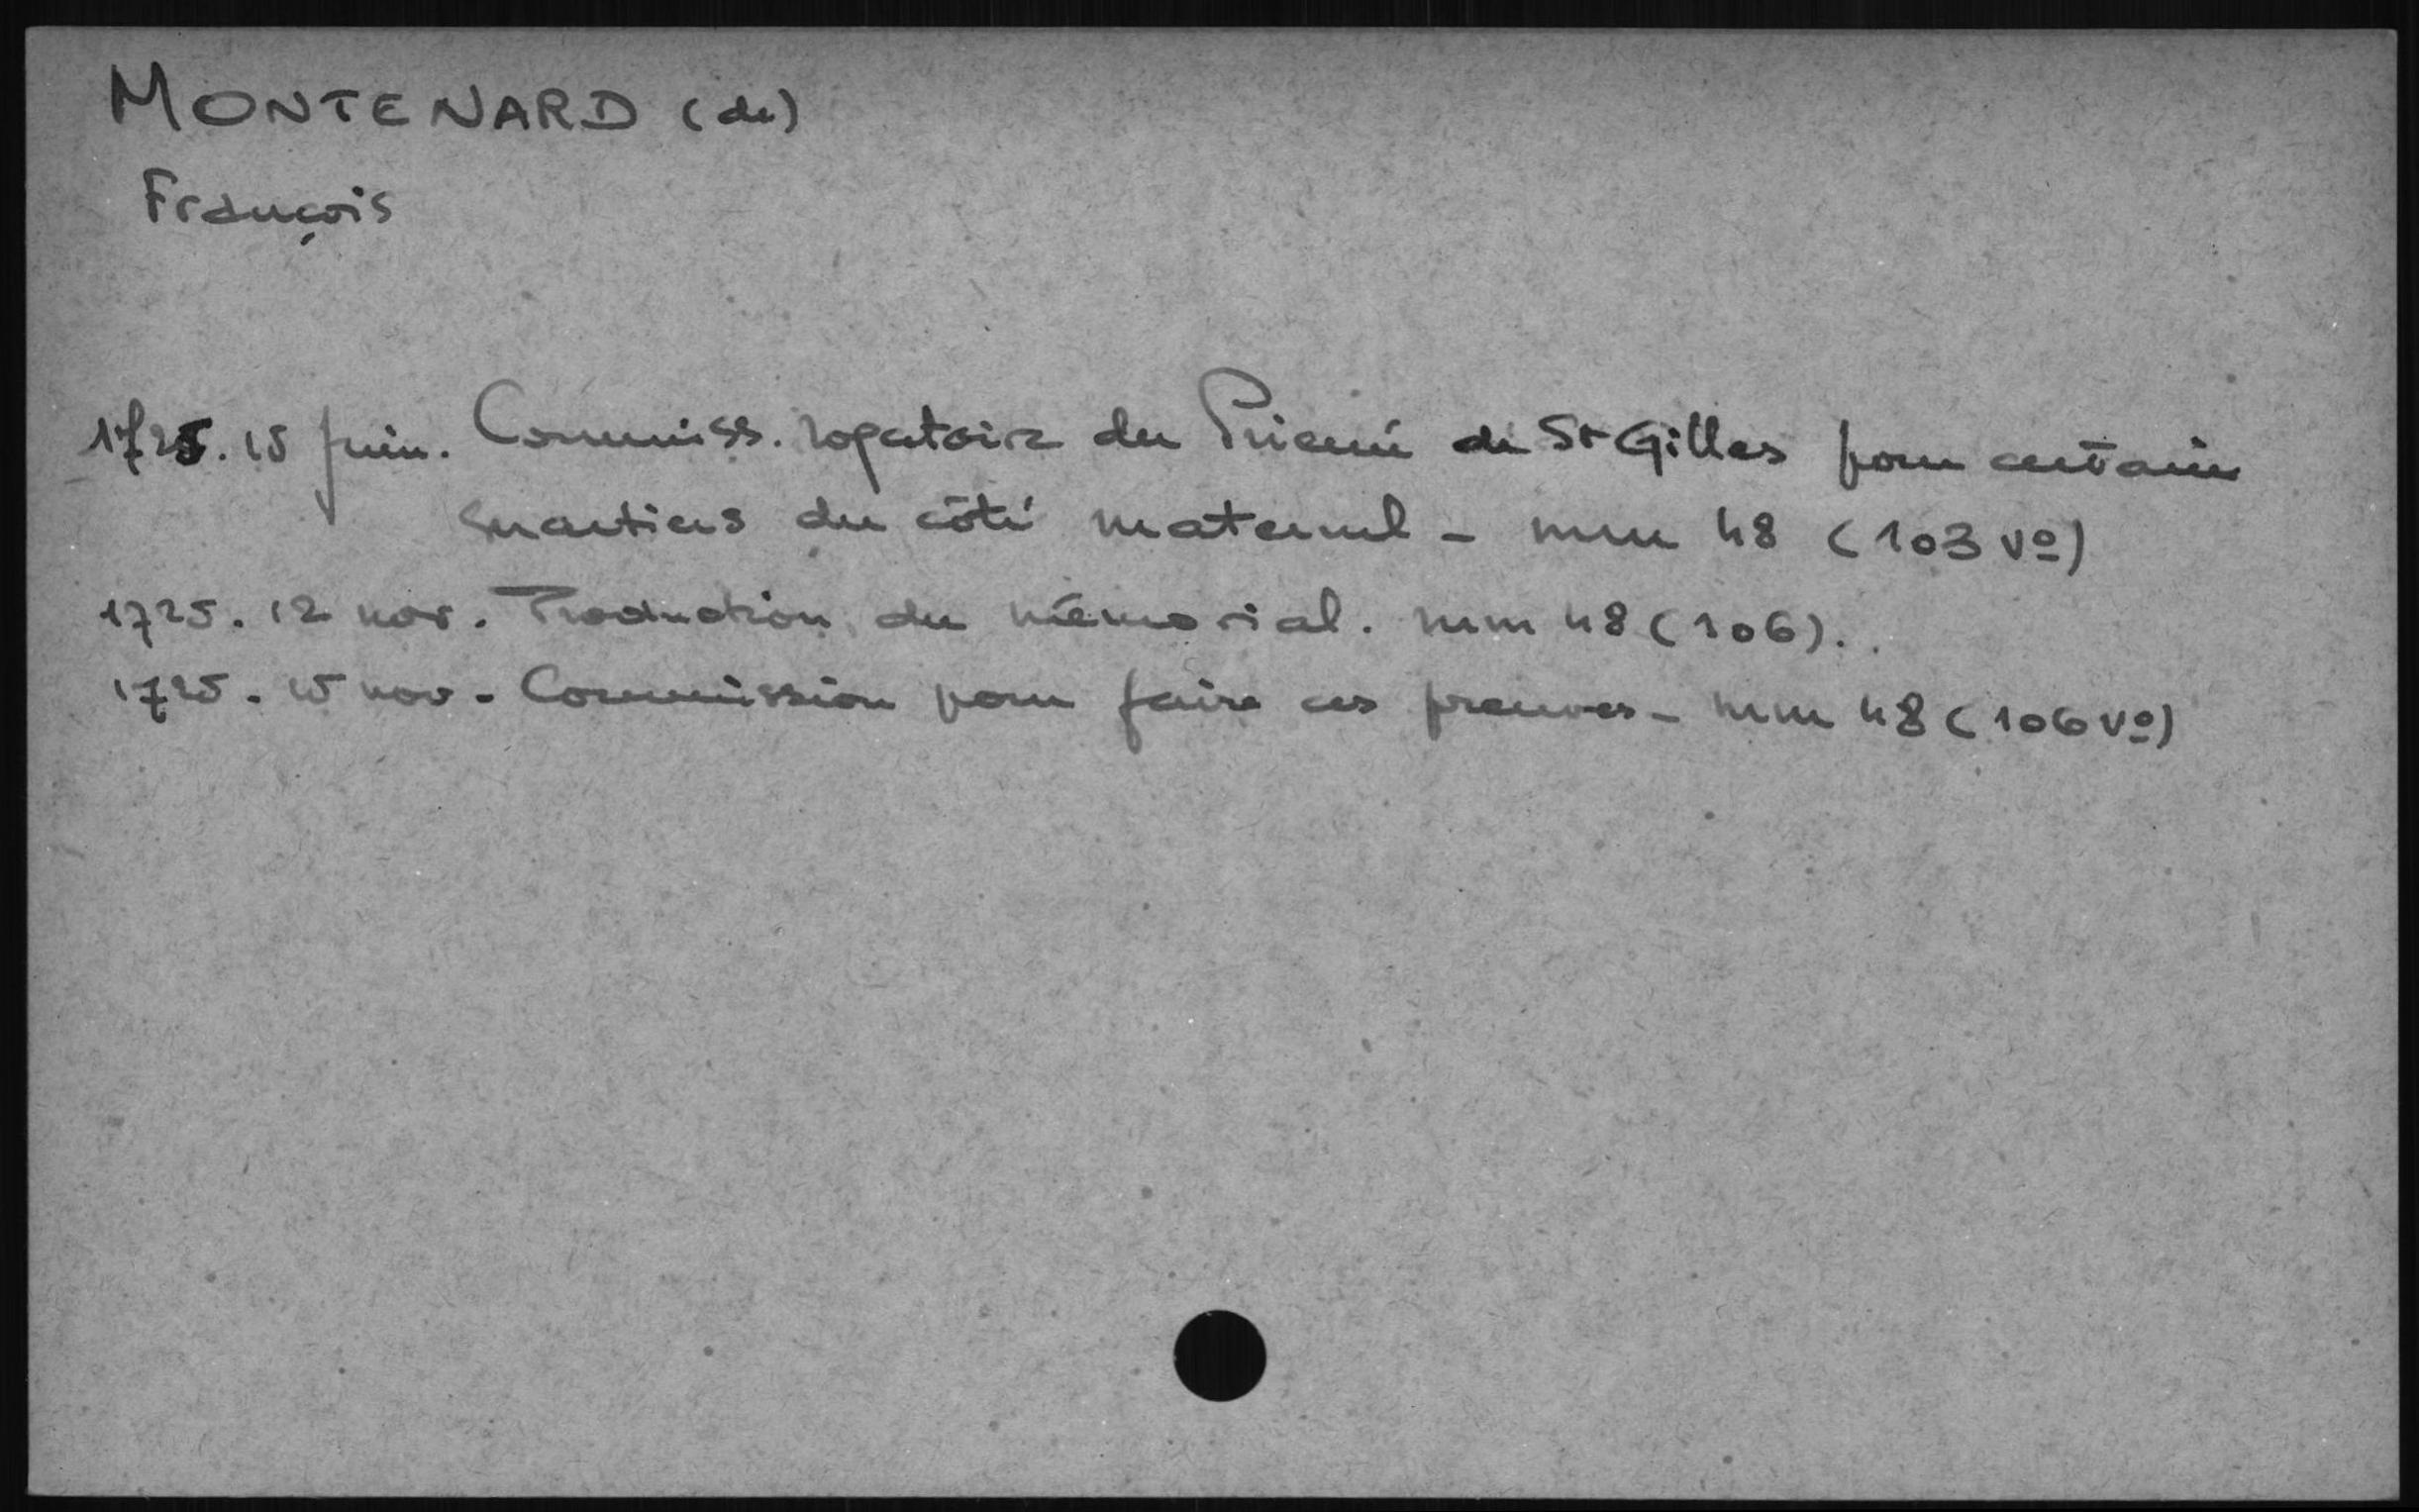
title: MONTENARD (de) François
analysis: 1725, 15 juin. Commission rogatoire du Prieuré de Saint Gilles pour certain quartiers du côté maternel. MM 48 (103v) 1725, 12 novembre Production du mémorial. MM 48 (106). 1725, 15 novembre Commission pour faire ces preuves. MM 48 (106v)
